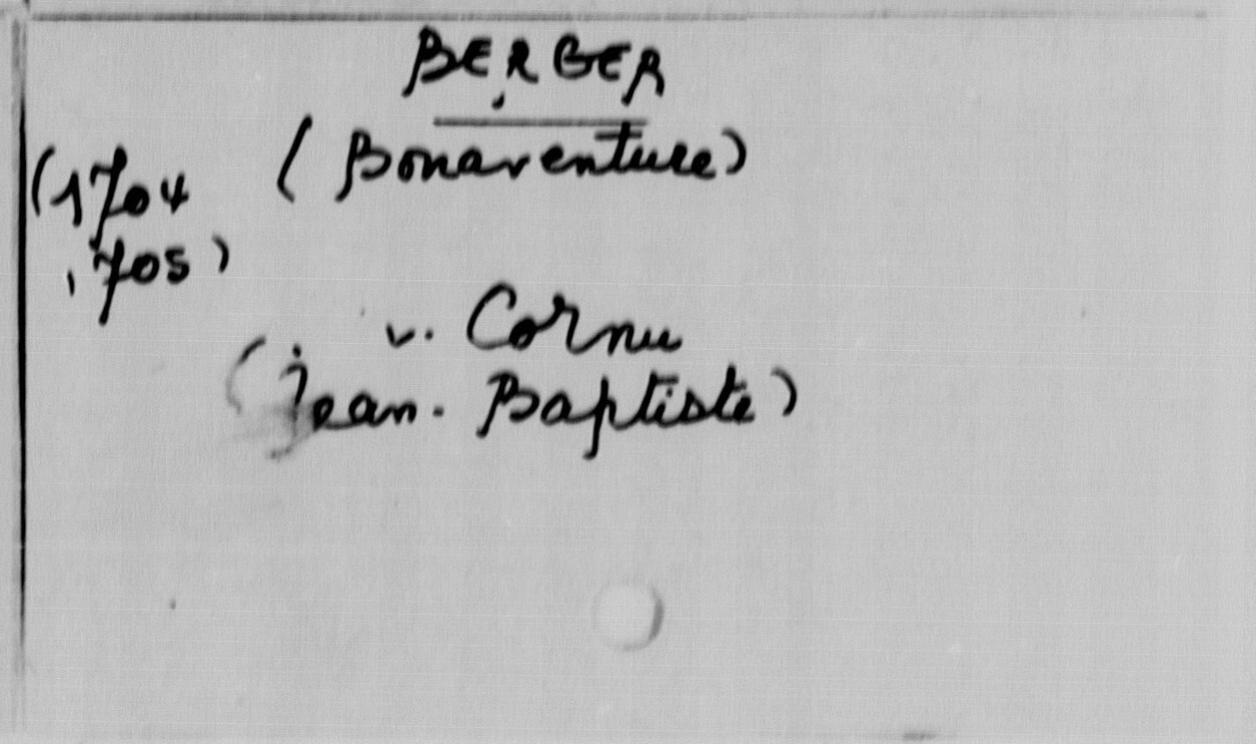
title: BERBER (Bonaventure)
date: (1704-1705)
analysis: Voir : CORNU (Jean-Baptiste)
